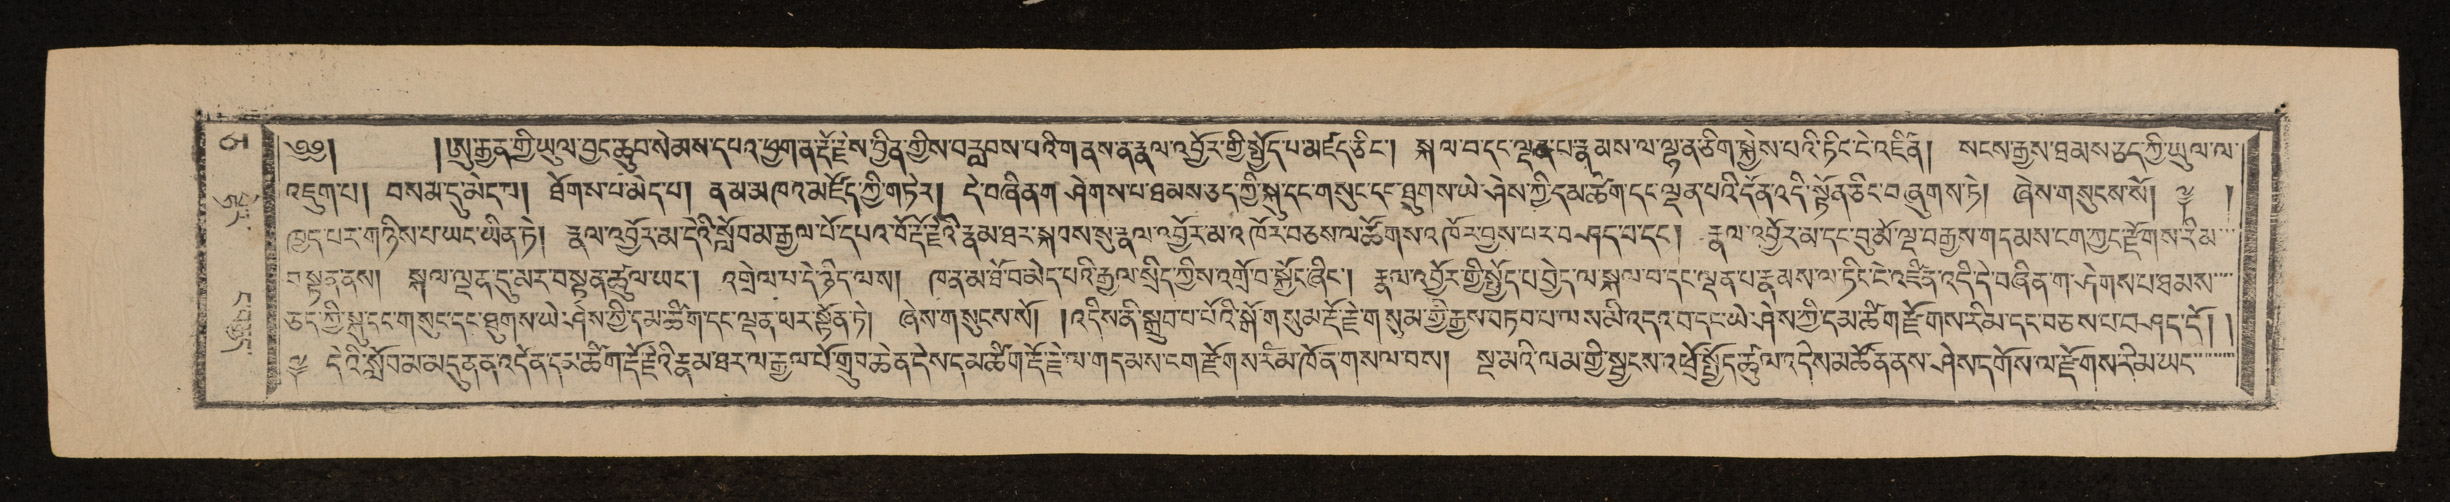༄༅། །ཨུ་རྒྱན་གྱི་ཡུལ་བྱང་ཆུབ་སེམས་དཔའ་ཕྱག་ན་རྡོ་རྗེས་བྱིན་གྱིས་བརླབས་པའི་གནས་ན་རྣལ་འབྱོར་གྱི་སྤྱོད་པ་མཛད་ཅིང་། སྐལ་བ་དང་ལྡན་པ་རྣམས་ལ་ལྷན་ཅིག་སྐྱེས་པའི་ཏིང་ངེ་འཛིན། སངས་རྒྱས་ཐམས་ཅད་ཀྱི་ཡུལ་ལ་
འཇུག་པ། བསམ་དུ་མེད་པ། ཐོགས་པ་མེད་པ། ནམ་མཁའ་མཛོད་ཀྱི་གཏེར། དེ་བཞིན་གཤེགས་པ་ཐམས་ཅད་ཀྱི་སྐུ་དང་གསུང་དང་ཐུགས་ཡེ་ཤེས་ཀྱི་དམ་ཚིག་དང་ལྡན་པའི་དོན་འདི་སྟོན་ཅིང་བཞུགས་ཏེ། ཞེས་གསུངས་སོ། ༈ །
ཁྱད་པར་གཉིས་པ་ཡང་ཡིན་ཏེ། རྣལ་འབྱོར་མ་དེའི་སློབ་མ་རྒྱལ་པོ་དཔའ་བོ་རྡོ་རྗེའི་རྣམ་ཐར་སྐབས་སུ་རྣལ་འབྱོར་མ་འཁོར་བཅས་ལ་ཚོགས་འཁོར་བྱས་པར་བཤད་པ་དང་། རྣལ་འབྱོར་མ་དང་བུ་མོ་ལྔ་བརྒྱས་གདམས་ངག་ཀྱང་རྫོགས་རིམ་
བསྟན་ནས། སྐལ་ལྡན་དུ་མར་བསྟན་ཚུལ་ཡང་། འགྲེལ་བ་དེ་ཉིད་ལས། ཁ་ན་མ་ཐོ་བ་མེད་པའི་རྒྱལ་སྲིད་ཀྱིས་འགྲོ་བ་སྐྱོང་ཞིང་། རྣལ་འབྱོར་གྱི་སྤྱོད་པ་བྱེད་ལ་སྐལ་བ་དང་ལྡན་པ་རྣམས་ལ་ཏིང་ངེ་འཛིན་འདི་དེ་བཞིན་གཤེགས་པ་ཐམས་
ཅད་ཀྱི་སྐུ་དང་གསུང་དང་ཐུགས་ཡེ་ཤེས་ཀྱི་དམ་ཚིག་དང་ལྡན་པར་སྟོན་ཏེ། ཞེས་གསུངས་སོ། །འདིས་ནི་སྒྲུབ་པ་པོའི་སྒོ་གསུམ་རྡོ་རྗེ་གསུམ་གྱི་རྒྱས་བཏབ་པ་ལས་མི་འདའ་བ་དང་ཡེ་ཤེས་ཀྱི་དམ་ཚིག་རྫོགས་རིམ་དང་བཅས་པ་བཤད་དོ། །
༈ དེའི་སློབ་མ་མདུན་ན་འདོན་དམ་ཚིག་རྡོ་རྗེའི་རྣམ་ཐར་ལ་རྒྱལ་བོ་གྲུབ་ཆེན་དེས་དམ་ཚིག་རྡོ་རྗེ་ལ་གདམས་ངག་རྫོགས་རིམ་ཁོ་ན་གསལ་བས། སྔ་མའི་ལམ་གྱི་སྦྱངས་འཕྲོ་སྤྱོད་ཚུལ་འདིས་མཚོན་ནས་ཤེས་དགོས་ལ་རྫོགས་རིམ་ཡང་